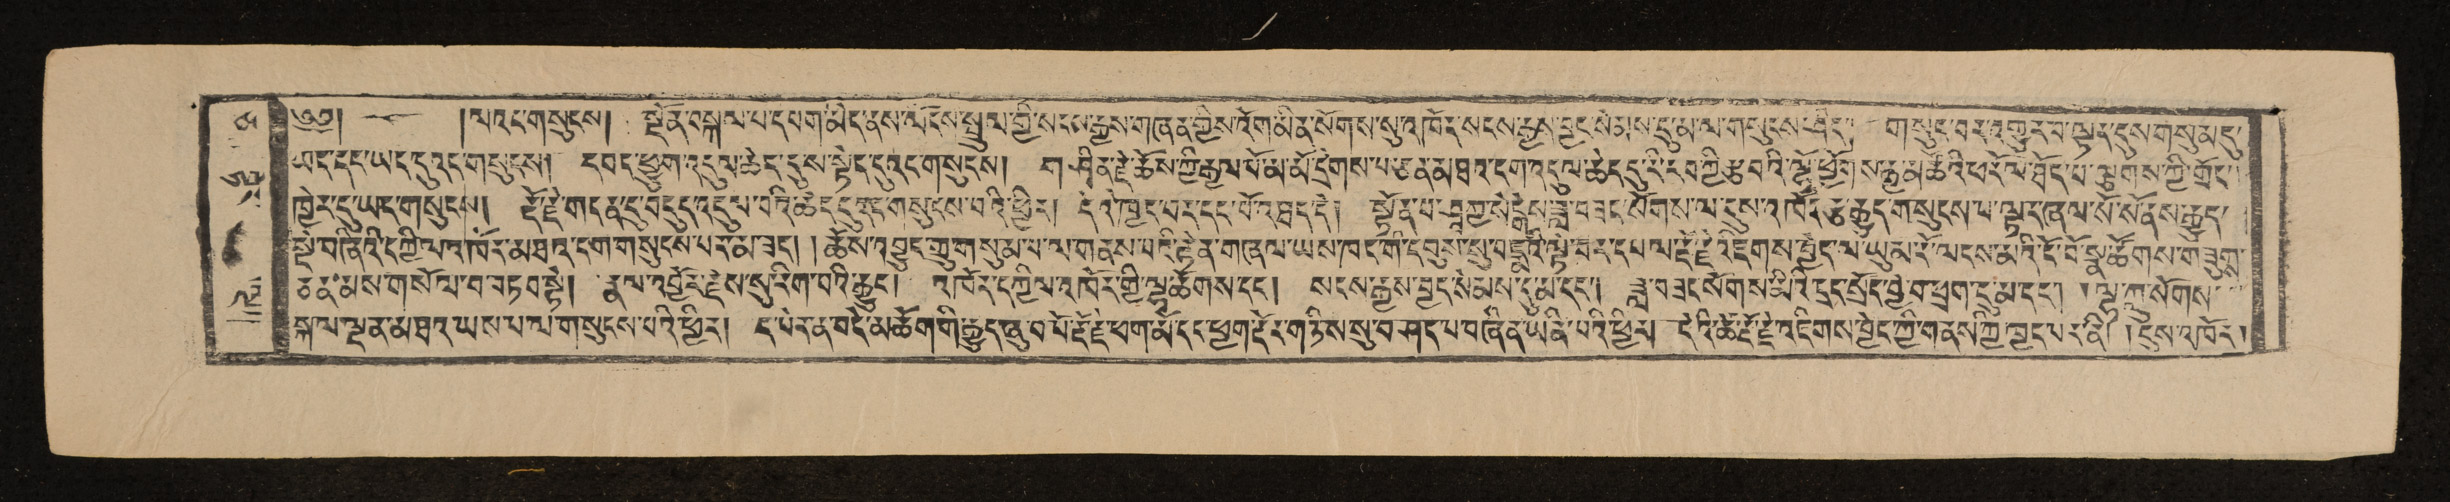༄༅། །ལའང་གསུངས། སྔོན་བསྐལ་པ་དཔག་མེད་ནས་ལོངས་སྤྲུལ་གྱི་སངས་རྒྱས་གཞན་གྱིས་འོག་མིན་སོགས་སུ་འཁོར་སངས་རྒྱས་བྱང་སེམས་དུ་མ་ལ་གསུངས་ཤིང་། གསུང་བར་འགྱུར་བ་ལྟར་དུས་གསུམ་དུ་
ཡང་དང་ཡང་དུའང་གསུངས། དབང་ཕྱུག་འདུལ་ཆེད་དུ་ས་སྟེང་དུའང་གསུངས། གཤིན་རྗེ་ཆོས་ཀྱི་རྒྱལ་པོ་མ་མོ་དྲེགས་པ་ཅན་མཐའ་དག་འདུལ་ཆེད་དུ་རི་རབ་ཀྱི་རྩ་བའི་ལྷོ་ཕྱོགས་རྒྱ་མཚོའི་ཕ་རོལ་ཐོད་པ་ལྕགས་ཀྱི་གྲོང་
ཁྱེར་དུ་ཡང་གསུངས། རྡོ་རྗེ་གདན་དུ་བདུད་འདུལ་བའི་ཆེད་དུའང་གསུངས་པའི་ཕྱིར། དེའི་ཁྱད་པར་དང་པོ་འཐད་དེ། སྟོན་པ་ཤཱཀྱ་སེངྒེས་ཟླ་བཟང་སོགས་ལ་དུས་འཁོར་རྩ་རྒྱུད་གསུངས་པ་ལྟར་ཞལ་སོ་སོ་ནས་རྒྱུད་
སྡེ་བཞིའི་དཀྱིལ་འཁོར་མཐའ་དག་གསུངས་པར་མ་ཟད། ཆོས་འབྱུང་གྲུ་གསུམ་པ་ལ་གནས་པའི་རྟེན་གཞལ་ཡས་ཁང་གི་དབུས་སུ་པདམའི་ལྟེ་བར་དཔལ་རྡོ་རྗེ་འཇིགས་བྱེད་ལ་ཡུམ་རོ་ལངས་མའི་ངོ་བོ་སྣ་ཚོགས་གཟུགས་
ཅན་མས་གསོལ་བ་བཏབ་སྟེ། རྣལ་འབྱོར་རྗེས་སུ་རིག་པའི་རྒྱུད། འཁོར་དཀྱིལ་འཁོར་གྱི་ལྷ་ཚོགས་དང་། སངས་རྒྱས་བྱང་སེམས་དུ་མ་དང་། ཟླ་བཟང་སོགས་མིའི་དྲང་སྲོང་བྱེ་བ་ཕྲག་དུ་མ་དང་། ལྷ་ཀླུ་སོགས་
སྐལ་ལྡན་མཐའ་ཡས་པ་ལ་གསུངས་པའི་ཕྱིར། དཔེར་ན་བདེ་མཆོག་གི་རྒྱུད་ཞུ་བ་པོ་རྡོ་རྗེ་ཕག་མོ་དང་ཕྱག་རྡོར་གཉིས་སུ་བཤད་པ་བཞིན་ཡིན་པའི་ཕྱིར། དེའི་ཚེ་རྡོ་རྗེ་འཇིགས་བྱེད་ཀྱི་གནས་ཀྱི་ཁྱད་པར་ནི། དུས་འཁོར་